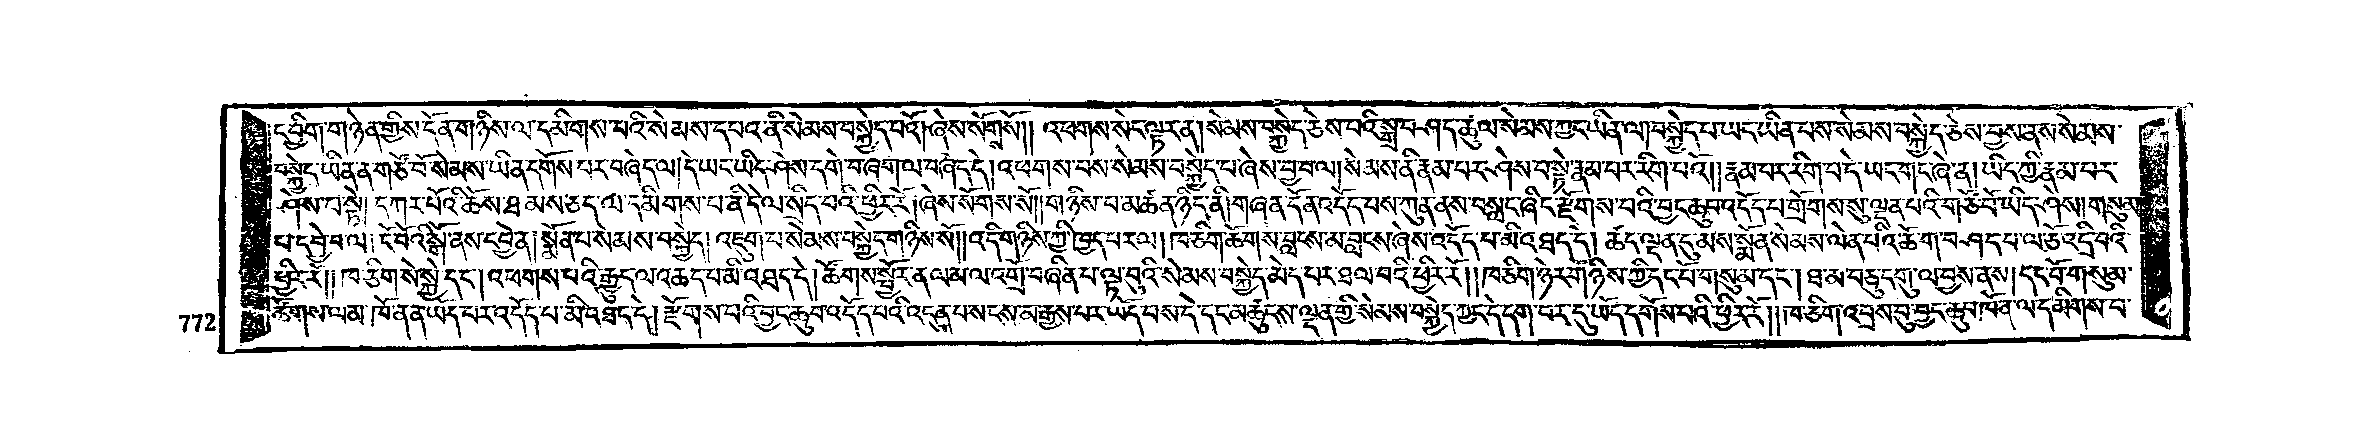དབྱིག་གཉེན་གྱིས་དོན་གཉིས་ལ་དམིགས་པའི་སེམས་དཔའ་ནི་སེམས་བསྐྱེད་པའོ། ཞེས་སོགས་སོ། །འཕགས་སེང་ལྟར་ན། སེམས་བསྐྱེད་ཅེས་པའི་སྒྲ་བཤད་ཚུལ་སེམས་ཀྱང་ཡིན་ལ། བསྐྱེད་པ་ཡང་ཡིན་པས་སེམས་བསྐྱེད་ཅེས་བྱས་ནས་སེམས་
བསྐྱེད་ཡིན་ན་གཙོ་བོ་སེམས་ཡིན་དགོས་པར་བཞེད་ལ། དེ་ཡང་ཡིད་ཤེས་དགེ་བ་ཞིག་ལ་བཞེད་དེ། འཕགས་པས་སེམས་བསྐྱེད་པ་ཞེས་བྱ་བ་ལ། སེམས་ནི་རྣམ་པར་ཤེས་པ་སྟེ་རྣམ་པར་རིག་པའོ། །རྣམ་པར་རིག་པ་དེ་ཡང་གང་ཞེ་ན། ཡིད་ཀྱི་རྣམ་པར་
ཤེས་པ་སྟེ། དཀར་པོའི་ཆོས་ཐམས་ཅད་ལ་དམིགས་པ་ནི་དེ་ལ་སྲིད་པའི་ཕྱིར་རོ། ཞེས་སོགས་སོ། །གཉིས་པ་མཚན་ཉིད་ནི། གཞན་དོན་འདོད་པས་ཀུན་ནས་བསླང་ཞིང་རྫོགས་པའི་བྱང་ཆུབ་འདོད་པ་གྲོགས་སུ་ལྡན་པའི་གཙོ་བོ་ཡིད་ཤེས། གསུམ་
པ་དབྱེ་བ་ལ། ངོ་བོའི་སྒོ་ནས་དབྱེ་ན། སྨོན་པ་སེམས་བསྐྱེད། འཇུག་པ་སེམས་བསྐྱེད་གཉིས་སོ། །འདི་གཉིས་ཀྱི་ཁྱད་པར་ལ། ཁ་ཅིག་ཆོགས་བླངས་མ་བླངས་ཞེས་འདོད་པ་མི་འཐད་དེ། ཚད་ལྡན་དུ་མས་སྨོན་སེམས་ལེན་པའི་ཆོ་ག་བཤད་པ་ལ་ཅོ་འདྲི་བའི་
ཕྱིར་རོ། །ཁ་ཅིག་སོ་སྐྱེ་དང་། འཕགས་པའི་རྒྱུད་ལ་འཆད་པ་མི་འཐད་དེ། ཚོགས་སྦྱོར་ན་ལམ་ལ་འགྲོ་བཞིན་པ་ལྟ་བུའི་སེམས་བསྐྱེད་མེད་པར་ཐལ་བའི་ཕྱིར་རོ། །ཁ་ཅིག་ཉེར་གཉིས་ཀྱི་དང་པོ་གསུམ་དང་། ཐ་མ་བཅུ་དགུ་ལ་བྱས་ནས། དང་པོ་གསུམ་
ཚོགས་ལམ་ཁོ་ན་ན་ཡོད་པར་འདོད་པ་མི་འཐད་དེ། རྫོགས་པའི་བྱང་ཆུབ་འདོད་པའི་འདུན་པ་སངས་མ་རྒྱས་པར་ཡོད་པས་དེ་དང་མཚུངས་ལྡན་གྱི་སེམས་བསྐྱེད་ཀྱང་དེ་དག་པར་དུ་ཡོད་དགོས་པའི་ཕྱིར་རོ། །ཁ་ཅིག་འབྲས་བུ་བྱང་ཆུབ་ཁོ་ན་ལ་དམིགས་པ་